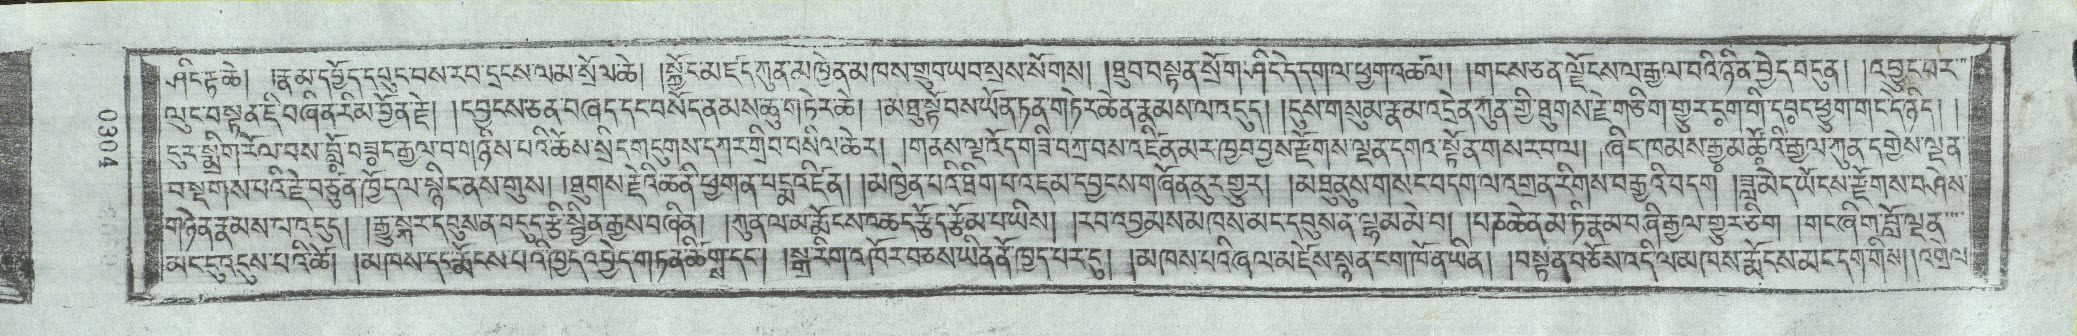ཤིང་རྟ་ཆེ། །རྣམ་དབྱོད་དབུང་བས་རབ་དྲངས་ལམ་སྲོལ་ཆེ། །སྐྱོང་མཛད་ཀུན་མཁྱེན་མཁས་གྲུབ་ཡབ་སྲས་སོགས། །ཐུབ་བསྟན་སྲོག་ཤིང་དེ་དག་ལ་ཕྱག་འཚལ། །གངས་ཅན་ལྗོངས་ལ་རྒྱལ་བའི་ཉིན་བྱེད་བདུན། །འབྱུང་བར་
ལུང་བསྟན་ཇི་བཞིན་རིམ་བྱོན་རྗེ། །དབྱངས་ཅན་བཞད་དང་བསོད་ནམས་ཆུ་གཏེར་ཆེ། །མཐུ་སྟོབས་ཡོན་ཏན་གཏེར་ཆེན་རྣམས་ལ་འདུད། །དུས་གསུམ་རྣམ་འདྲེན་ཀུན་གྱི་ཐུགས་རྗེ་གཅིག་གྱུར་དག་གི་དབང་ཕྱུག་གང་དེ་ཉིད། །
ངུར་སྨྲིག་རོལ་བས་བློ་བཟང་རྒྱལ་བ་གཉིས་པའི་ཆོས་སྲིད་གདུགས་དཀར་གྲིབ་བསིལ་ཆེར། །གནས་ལྔ་འོད་གཟི་བཀྲ་བས་འཛིན་མར་ཁྱབ་བྱས་རྫོགས་ལྡན་དགའ་སྟོན་གསར་བ་ལ། །ཞིང་ཁམས་རྒྱུ་མཚོའི་རྒྱལ་ཀུན་དབྱེས་ལྡན་
བསྔགས་པའི་རྗེ་བཙུན་ཁྱོད་ལ་སྙིང་ནས་གུས། །ཐུགས་རྗེའི་ཆ་ནི་ཕྱག་ན་པདམ་འཛིན། །མཁྱེན་པའི་ཐིག་པ་འཇམ་དབྱངས་གཞོན་ནུར་གྱུར། །མཐུ་ནུས་གསང་བདག་ལ་འགྲན་རིགས་བརྒྱའི་བདག །ཟླ་མེད་ཡོངས་རྫོགས་བཤེས་
གཉེནར་ནམས་ལ་འདུད། །རྒྱུ་སྐར་དབུས་ན་བདུད་རྩི་སྦྱིན་རྒྱས་བཞིན། །ཀུན་ལ་མ་རྨོངས་འཆད་རྩོད་རྩོམ་པ་ཡིས།།རབ་འབྱམས་མཁས་མང་དབུས་ན་ལྷམ་མེ་བ། །པཎ་ཆེན་མ་ཏི་རྣམ་བཞི་རྒྱལ་གྱུར་ཅིག །གང་ཞིག་བློ་ལྡན་
མང་དུ་འདུས་པའི་ཚེ། །མཁས་དང་རྨོངས་པའི་ཁྱད་འབྱེད་གཏན་ཚིགས་དང་། །སྒྲ་རིག་འཁོར་བཅས་ཡིན་ནོ་ཁྱད་པར་དུ། །མཁམ་པའི་ཞལ་མཛེས་སྙན་ངག་ཁོ་ན་ཡིན། །བསྟན་བཅོས་འདི་ལ་མཁས་རྨོངས་མང་དག་གིས། འགྲེལ་